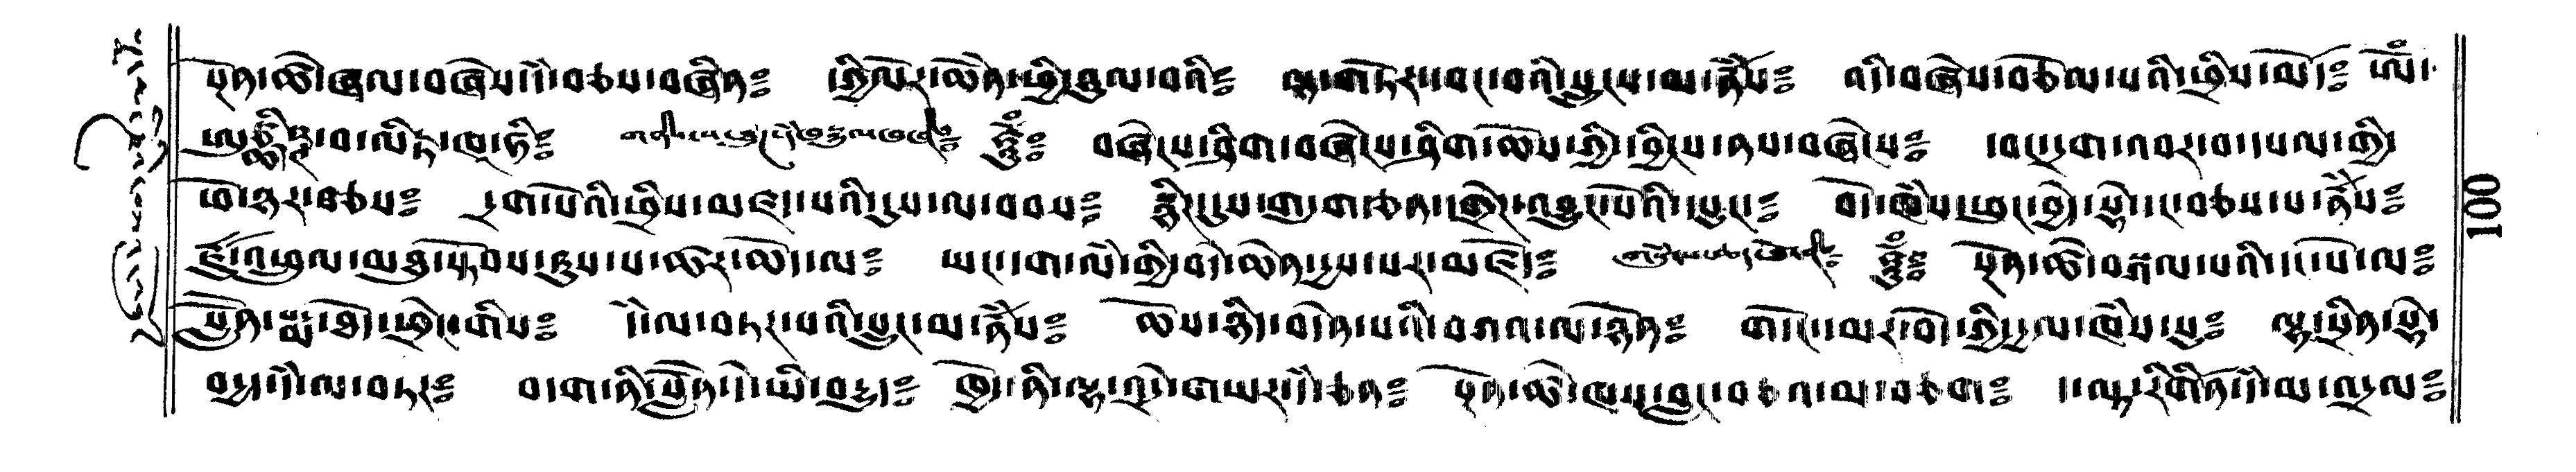སྔོན་ཚེ་ཞལ་བཞེས་དམ་བཅས་བཞིན༔ དཀྱིལ་འཁོར་ཆེན་པོ་ཕྱི་ཉུལ་བའི༔ ལྷག་གཏོེར་དབང་བའི་སྲུང་མ་རྣམས༔ འདི་བཞེས་བཅོལ་པའི་ཕྲིན་ལས་མཛོད༔ ཨོཾ་
ཨུཙྪིཥྚ་བ་ལིངྟ་ཁཱ་ཧི༔ གཉིས་པ་ཐུགས་དམ་བསྐུལ་བ་ནི། ཧཱུྃ༔ བཞེངས་ཤིག་བཞེངས་ཤིག་ཆོས་ཀྱི་དབྱིངས་ནས་བཞེངས༔ དབང་དྲག་འབར་བ་དཔལ་གྱི་
ཕོ་ཉར་བཅས༔ དྲག་པོའི་ཕྲིན་ལས་མཛད་པའི་དུས་ལ་བབས༔ སྙིགས་དུས་གདུག་ཅན་དགྲ་བགེགས་འབྱུང་པོའི་དཔུང༔ བོད་ཁམས་ཕུང་བྱེད་སྡེ་དང་བཅས་པ་རྣམས༔ 
རྫུ་འཕྲུལ་མཐུ་སྟོབས་ནུས་པས་ཚར་གཅོད་ལ༔ ཡང་དག་ལམ་གྱི་བདེ་ཆེན་རྒྱས་པར་མཛོད༔ གསུམ་པ་ཆད་ཐོ་ནི། ཧཱུྃ༔ སྔོན་ཚེ་བསྐལ་པའི་དང་པོ་ལ༔ 
སློབ་དཔོན་པདྨ་ཐོད་ཕྲེང་གིས༔ དམ་ལ་བཏགས་པའི་སྲུང་མ་རྣམས༔ ཆོས་ཉིད་བདེན་པའི་བཀའ་ལ་ཉོན༔ གདོང་དམར་བོད་ཀྱི་རྒྱལ་ཁམས་སུ༔ ལྷ་སྲིན་སྡེ་
བརྒྱད་དམ་ལ་བཏགས༔ བདག་ནི་སློབ་དཔོན་དེ་ཡི་བརྒྱུད༔ ཁྱོད་ནི་ལྷ་འདྲེ་གཡར་དམ་ཅན༔ སྔོན་ཚེ་ཁས་བླངས་བཅའ་མ་བཅག༔ ད་ལྟ་རིག་འཛིན་དམ་མ་འདྲལ༔